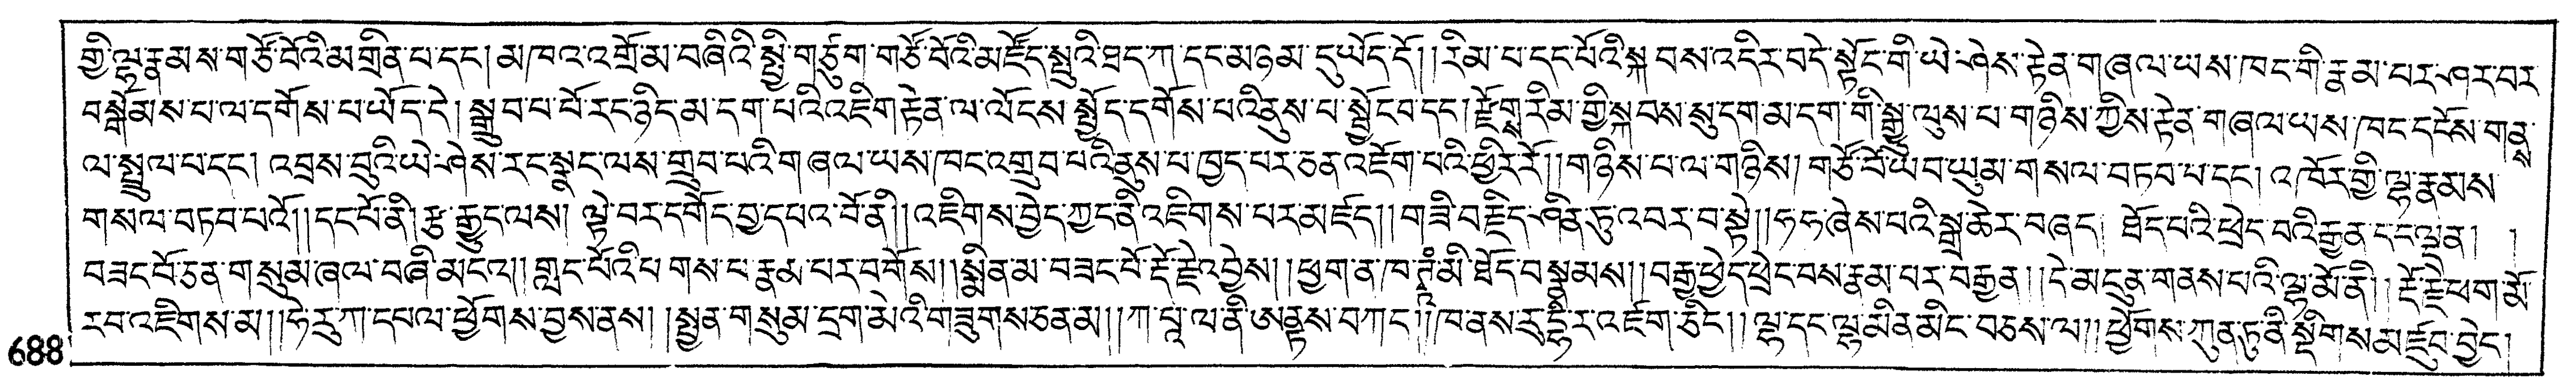གྱི་ལྷ་རྣམས་གཙོ་བོའི་མགྲིན་པ་དང་། མཁའ་འགྲོ་མ་བཞིའི་སྤྱི་གཙུག་གཙོ་བོའི་མཛོད་སྤུའི་ཐད་ཀ་དང་མཉམ་དུ་ཡོད་དོ། །རིམ་པ་དང་པོའི་སྐབས་འདིར་བདེ་སྟོང་གི་ཡེ་ཤེས་རྟེན་གཞལ་ཡས་ཁང་གི་རྣམ་པར་ཤར་བར་
བསྒོམས་པ་ལ་དགོས་པ་ཡོད་དེ། སྒྲུབ་པ་པོ་རང་ཉིད་མ་དག་པའི་འཇིག་རྟེན་ལ་ལོངས་སྤྱོད་དགོས་པའི་ནུས་པ་སྦྱོང་བ་དང་། རྫོགས་རིམ་གྱི་སྐབས་སུ་དག་མ་དག་གི་སྒྱུ་ལུས་པ་གཉིས་ཀྱིས་རྟེན་གཞལ་ཡས་ཁང་དངོས་གནས་
ལ་སྤྲུལ་པ་དང་། འབྲས་བུའི་ཡེ་ཤེས་རང་སྣང་ལས་གྲུབ་པའི་གཞལ་ཡས་ཁང་འགྲུབ་པའི་ནུས་པ་ཁྱད་པར་ཅན་འཇོག་པའི་ཕྱིར་རོ། །གཉིས་པ་ལ་གཉིས། གཙོ་བོ་ཡབ་ཡུམ་གསལ་བཏབ་པ་དང་། འཁོར་གྱི་ལྷ་རྣམས་
གསལ་བཏབ་པའོ། །དང་པོ་ནི། རྩ་རྒྱུད་ལས། ལྟེ་བར་དགོད་བྱ་དཔའ་བོ་ནི། །འཇིགས་བྱེད་ཀྱང་ནི་འཇིགས་པར་མཛད། །གཟི་བརྗིད་ཤིན་ཏུ་འབར་བ་སྟེ། །ཧ་ཧ་ཞེས་པའི་སྒྲ་ཆེར་བཞད། ཐོད་པའི་ཕྲེང་བའི་རྒྱན་དང་ལྡན། །
བཟང་པོ་ཅན་གསུམ་ཞལ་བཞི་མངའ། །གླང་པོའི་པགས་པ་རྣམ་པར་བགོས། །སྨིན་མ་བཟང་པོ་རྡོ་རྗེ་འབྱེས། །ཕྱག་ན་ཁ་ཊྭཱཾ་མི་ཐོད་བ་སྣམས། །བརྒྱ་ཕྱེད་ཕྲེང་བས་རྣམ་པར་བརྒྱན། །དེ་མདུན་གནས་པའི་ལྷ་མོ་ནི། །རྡོ་རྗེ་ཕག་མོ་
རབ་འཇིགས་མ། །ཧེ་རུ་ཀ་དཔལ་ཕྱོགས་བྱས་ནས། །སྤྱན་གསུམ་དྲག་མེའི་གཟུགས་ཅན་མ། །ཀ་པཱ་ལ་ནི་ཨནྟས་བཀང་། །ཁ་ནས་རུ་དྷི་ར་འཛག་ཅིང་། །ལྷ་དང་ལྷ་མིན་མིང་བཅས་ལ། །ཕྱོགས་ཀུན་ཏུ་ནི་སྡིགས་མཛུབ་བྱེད།